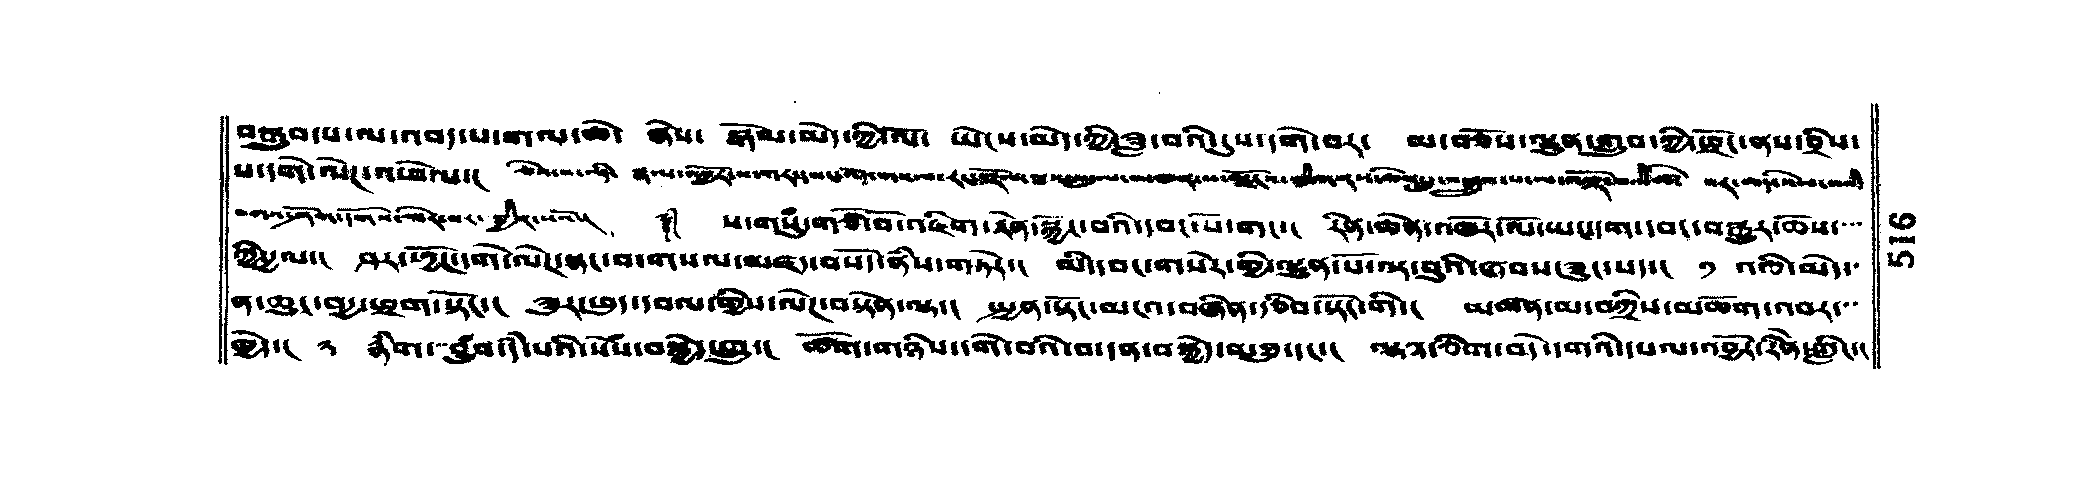བསྒྲུབ་པ་ལ་འབད་པ་གལ་ཆེ། ཞེས་སྒོམ་མེད་ཀྱི་ལོ། ཡེངས་མེད་ཀྱི་ཟླ་བའི་དུས་དགེ་བར། མ་བཅོས་ལྷུན་གྲུབ་ཀྱི་ཕོ་བྲང་ནས་བྲིས་
པ་དགེ་ལེགས་འཕེལ།། ཞེས་པ་འདི་རྣལ་འབྱོར་པ་གར་དབང་འོད་གསལ་རང་གྲོལ་སྦས་ཡུལ་མཁན་པ་ལྗོངས་ཀྱི་གནས་ཆེན་དུ་བསྒྲུབ་པ་ལ་འགྲོ་བའི་ཚེ། བར་ཆད་སེལ་བའི་
བཀའ་ཤོག་དགོས་ཟེར་བར་སྦྱིན་པའོ།། ༈ ས་གསུམ་གཙོ་བོ་འཇིག་རྟེན་སྐྱོང་བའི་དབང་པོ་གང་། །རིན་ཆེན་འཁོར་ལོ་ཡང་དག་དབང་བསྒྱུར་ཆོས་
ཀྱི་རྒྱལ། །ཤར་ཕྱོགས་དགེ་ལེགས་སྣང་བ་གསལ་མཛད་བསོད་ནམས་གཏེར། །མི་དབང་གསེར་གྱི་ལྷུན་པོ་ལྟ་བུའི་ཞབས་ཟུང་པད། ༡ །འཆི་མེད་
ན་ཆུང་བརྒྱ་ཕྲག་སྟོང་། །ཟུར་ཕུད་དཔལ་གྱིས་ལེགས་བསྟེན་ལྷ། །སྤྱན་སྟོང་མངའ་བཞིན་རྩིབས་སྟོང་གི །མཚན་མ་བཀྲ་ཤིས་མཆོག་འབར་
ཁྱེད། ༢ །རྣམ་དག་བྱང་ཆུབ་དམ་པའི་སེམས་བསྐྱེད་གྲུ། །ཚོགས་གཉིས་དགེ་བའི་བ་དན་བསྐྱོད་མཐུ་དང་། །ལྷན་ཅིག་བདེ་དགའི་དཔལ་འབྱོར་རིན་ཆེན་གླིང་།